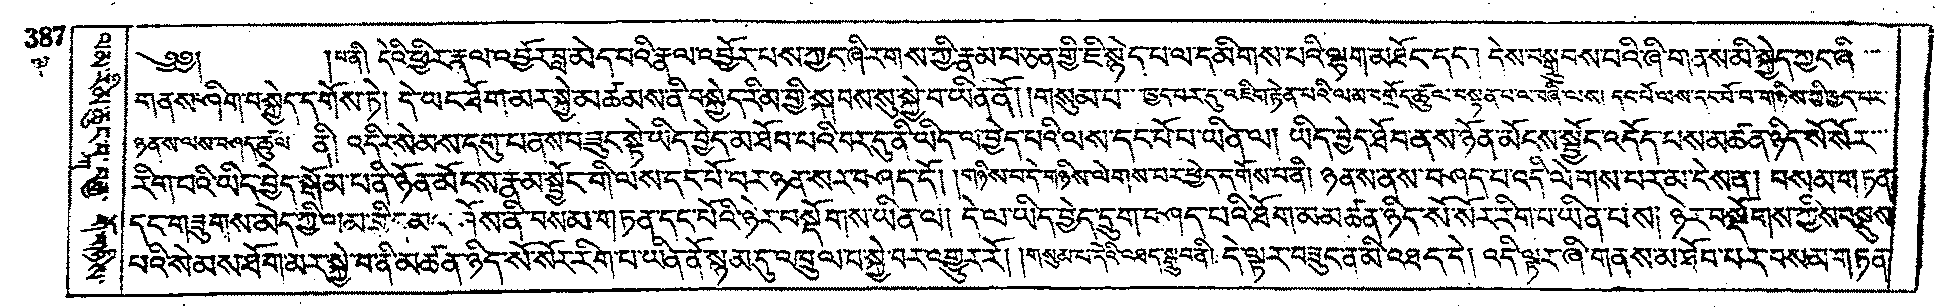༄༅། །པ་ནི།  དེའི་ཕྱིར་རྣལ་འབྱོར་བླ་མེད་པའི་རྣལ་འབྱོར་པས་ཀྱང་ཞི་རགས་ཀྱི་རྣམ་པ་ཅན་གྱི་ཇི་སྙེད་པ་ལ་དམིགས་པའི་ལྷག་མཐོང་དང་། དེས་བསྒྲུབས་པའི་ཞི་གནས་མི་སྐྱེད་ཀྱང་ཞི་
གནས་ཤིག་བསྐྱེད་དགོས་ཏེ། དེ་ཡང་ཐོག་མར་སྐྱེ་མཚམས་ནི་བསྐྱེད་རིམ་གྱི་སྐབས་སུ་སྐྱེ་བ་ཡིན་ནོ། །གསུམ་པ་ཁྱད་པར་དུ་འཇིག་རྟེན་པའི་ལམ་བགྲོད་ཚུལ་བསྟན་པ་ལ་བཞི་ལས། དང་པོ་ལས་དང་པོ་པ་གཉིས་ཀྱི་ཁྱད་པར
ཉན་ས་ལས་བཤད་ཚུལ་ནི། འདིར་སེམས་དགུ་པ་ནས་བཟུང་སྟེ་ཡིད་བྱེད་མ་ཐོབ་པའི་བར་དུ་ནི་ཡིད་ལ་བྱེད་པའི་ལས་དང་པོ་པ་ཡིན་ལ། ཡིད་བྱེད་ཐོབ་ནས་ཉོན་མོངས་སྦྱོང་འདོད་པས་མཚན་ཉིད་སོ་སོར་
རིག་པའི་ཡིད་བྱེད་སྒོམ་པ་ནི་ཉོན་མོངས་རྣམ་སྦྱོང་གི་ལས་དང་པོ་བར་ཉན་སར་བཤད་དོ། །གཉིས་པ་དེ་གཉིས་ལེགས་པར་ཕྱེད་དགོས་པ་ནི། ཉན་ས་ནས་བཤད་པ་འདི་ལེགས་པར་མ་ངེས་ན། བསམ་གཏན་
དང་གཟུགས་མེད་ཀྱི་ལམ་གྱི་དམའ་ཤོས་ནི་བསམ་གཏན་དང་པོའི་ཉེར་བསྡོགས་ཡིན་ལ། དེ་ལ་ཡིད་བྱེད་དྲུག་བཤད་པའི་ཐོག་མ་མཚན་ཉིད་སོ་སོར་རིག་པ་ཡིན་པས། ཉེར་བསྡོགས་ཀྱིས་བསྡུས་
པའི་སེམས་ཐོག་མར་སྐྱེ་བ་ནི་མཚན་ཉིད་སོ་སོར་རིག་པ་ཡིན་ནོ་སྙམ་དུ་འཁྲུལ་པ་སྐྱེ་བར་འགྱུར་རོ། །གསུམ་པ་དེའི་འཐད་སྒྲུབ་ནི།  དེ་ལྟར་བཟུང་ན་མི་འཐད་དེ། འདི་ལྟར་ཞི་གནས་མ་ཐོབ་པར་བསམ་གཏན་